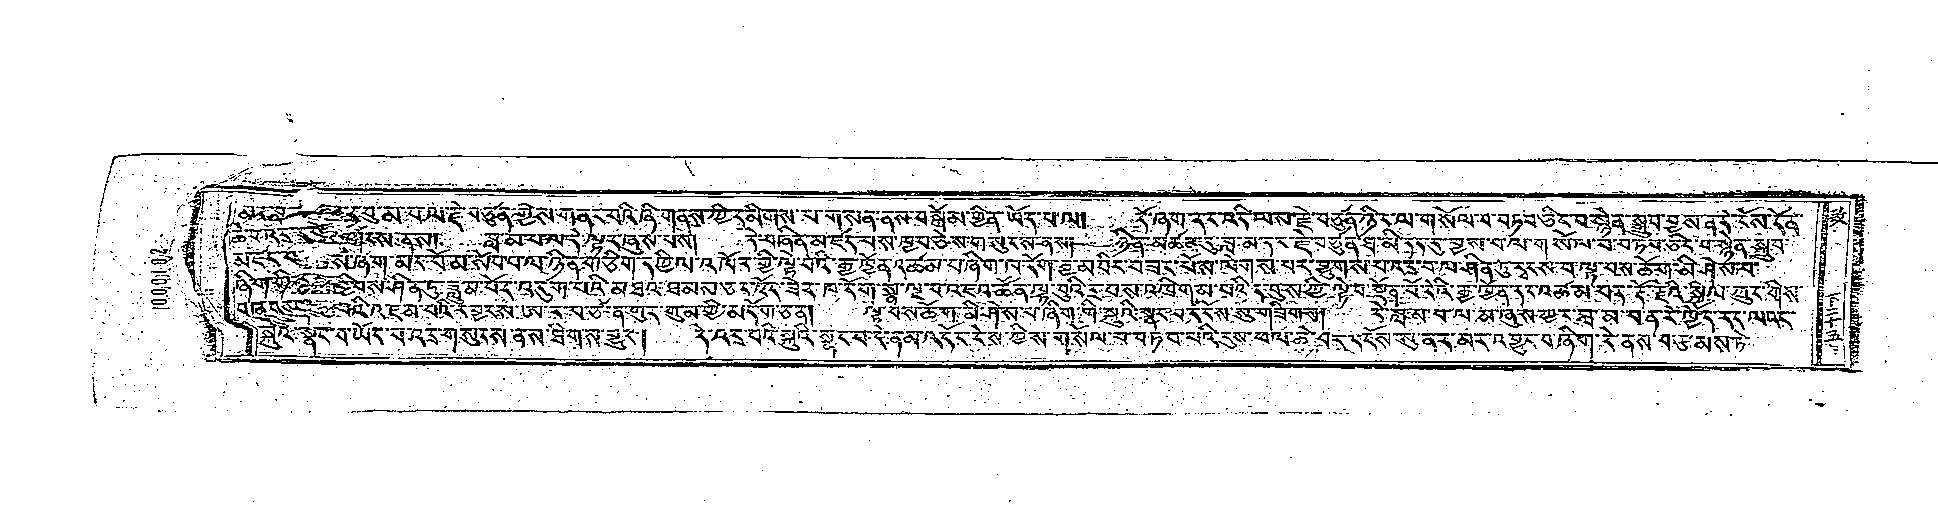མར་བླ་མ་དབུ་མ་པ་ལ་རྗེ་བཙུན་གྱིས་གནང་བའི་ཞི་གནས་ཀྱི་དམིགས་པ་གསན་ནས་བསྒོམ་གྱིན་ཡོད་པ་ལ། དོ་ཞག་རང་འདི་ལས་རྗེ་བཙུན་ཉིད་ལ་གསོལ་བ་བཏབ་ཅིང་བསྙེན་སྒྲུབ་བྱས་ན་དེ་ངོས་དོན་
ཆེ་བ་འདྲ་དགོངས་ནས། བླ་མ་པ་ལ་དེ་ལྟར་ཞུས་པས། དེ་བཞིན་མཛད་པས་ཁྱབ་ཅེས་གསུངས་ནས། ཉིན་མཚན་དུ་བླ་མ་དང་རྗེ་བཙུན་ཐ་མི་དད་དུ་བྱས་བ་ལ་གསོལ་བ་བཏབ་ཅིང་བསྙེན་སྒྲུབ་
མཛད་པས་ཞག་མང་པོ་མ་སོང་བ་ལ་ཉིན་གཅིག་དཀྱིལ་འཁོར་གྱི་ལྟེ་བའི་རྒྱ་ཁྱོན་འཚམ་པ་ཞིག་ཁ་དོག་རྒྱ་མ་བིང་བཟང་པོས་ལེགས་པར་བྱུགས་པ་འདྲ་བ་ལ་ཤིན་ཏུ་དྭངས་བ་ལྟ་བས་ཆོག་མི་ཤེས་པ་
ཞིག་གི་དབྱིབས་ཤིན་ཏུ་ཟླུམ་པོར་འདུག་པའི་མཐའ་ཐམས་ཅད་འོད་ཟེར་ཁ་དོག་སྣ་ལྔ་བ་འཇའ་ཚོན་ལྟ་བུའི་དྲ་བས་འཁྲིག་མ་པའི་དབུས་ཀྱི་ལྟེ་བ་སྔོན་པོ་དེའི་རྒྱ་ཁྱོན་དང་འཚམ་བར་རྡོ་རྗེའི་སྐྱིལ་ཀྲུང་གིས་
བཞུགས་པའི་འཇམ་པའི་དབྱངས་ཨ་ར་པ་ཙ་ན་གུར་གུམ་གྱི་མདོག་ཅན། ལྟ་བས་ཆོག་མི་ཤེས་པ་ཞིག་གི་སྐུའི་སྣང་བ་དངོས་སུ་གཟིགས། དེ་བླ་མ་བ་ལ་མ་ཞུས་ཀྱང་བླ་མ་པ་ན་རེ་ཁྱོད་རང་ལའང་
སྐུའི་སྣང་བ་ཡོད་བ་འདྲ་གསུངས་ནས་ཐིགས་བྱུང་། དེ་འདྲ་བའི་སྐུའི་སྣང་བ་དེ་ནམ་འདོད་རེས་ཀྱིས་གསོལ་བ་བཏབ་པའི་དུས་ཕལ་ཆེ་བར་དངོས་སུ་ནར་མང་འབྱུང་བ་ཞིག་དེ་ནས་བརྩམས་ཏེ་